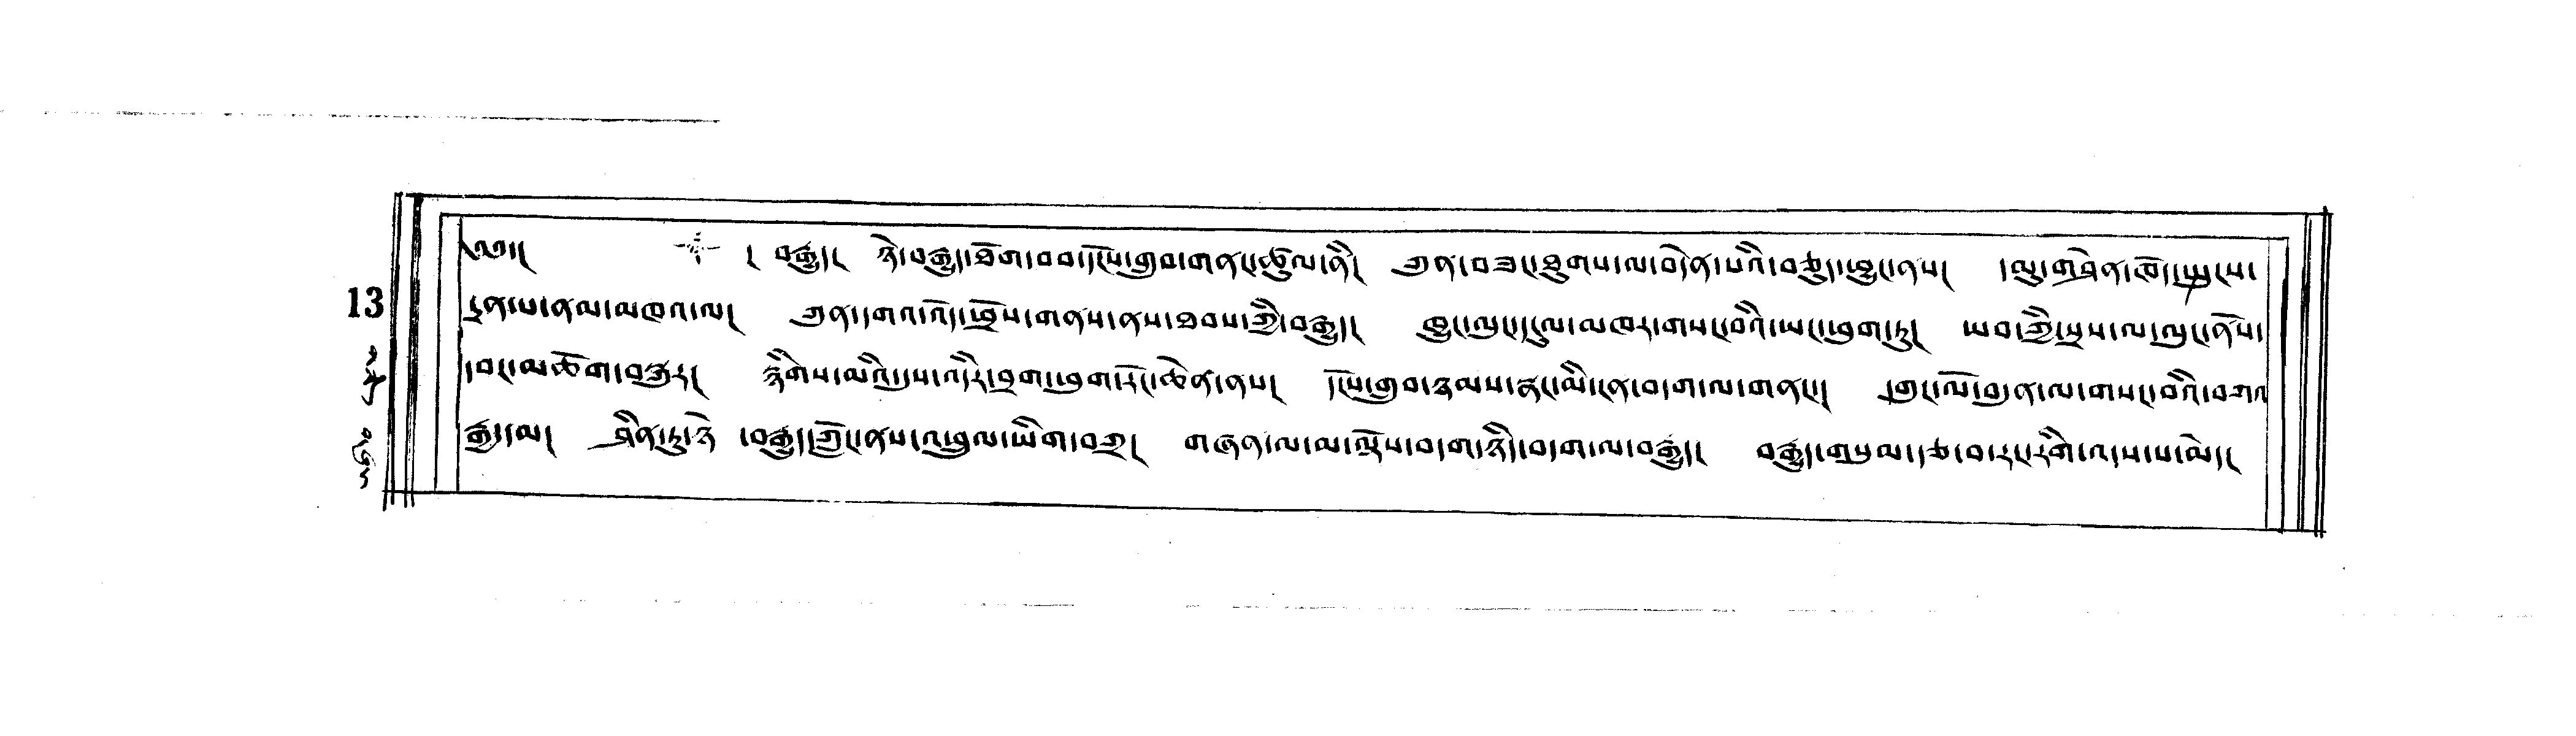བརྒྱུད། ཉེ་བརྒྱུད་ཐོག་བབ་དངོས་གྲུབ་གནང་ཚུལ་ནི། ཀུན་བཟང་ཐུགས་ལ་བདེན་པའི་བདུད་ཕྱུང་ནས། དམུ་གཤེན་ཁོད་སྤུངས་
དྲན་པ་ནམ་མཁའ་ལ། ཀུན་དགའ་འོད་གནས་ནས་ཐབས་ཀྱི་བརྒྱུད། ཁྱུང་ལུང་དངུལ་མཁར་གསང་བའི་ཡང་ཕུག་ཏུ། ཡབ་ཀྱིས་སྲས་ལ་ལུང་ནོས་
དབང་མཆོག་བསྐུར། སྙིགས་མའི་དུས་འདིར་བྲག་ཕུག་རོང་ཆེན་ནས། དངོས་གྲུབ་ཉམས་སྣང་མི་ངན་བདག་ལ་གནང་། དགུང་ལོ་བདུན་ལ་གསང་བའི་བཀའ་
རྒྱ་དམ། ཤིན་ཏུ་ཉེ་བརྒྱུད་ཀློང་ནས་འཕྲུལ་ཡིག་བཀྲ། གཞན་ལ་མ་ལྟོས་བདག་ཉིད་བདག་ལ་བརྒྱུད། བརྒྱུད་གསུམ་རྩ་བ་རང་རིག་འདས་པ་མེད།